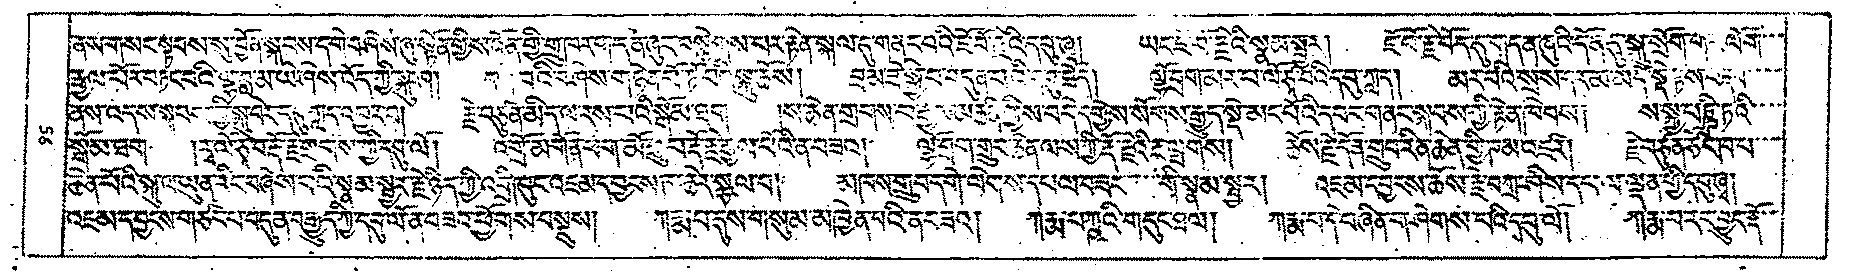ནས་གསང་སྟབས་སུ་བྱོན་སྐབས་དགེ་བཤེས་ཞུ་སྟོན་གྱིས་འོན་གྱི་གྲུ་ཁར་གདན་ཞུར་བསྙེགས་པར་རྟེན་སྐལ་དུ་གནང་བའི་ཇོ་བོ་རྗེའི་དབུ་ཞྭ། ཡང་ཇོ་བོ་རྗེའི་སྣམ་སྦྱར། ཇོ་བོ་རྗེ་བོད་དུ་གདན་ཞུའི་དོན་དུ་སྐུ་སྲོག་གར་ལོག་
རྒྱལ་པོར་བཏང་བའི་ལྷ་བླ་མ་ཡེ་ཤེས་འོད་ཀྱི་སྐུ་ཤ། དགེ་བའི་བཤེས་གཉེན་པོ་ཏོ་བའི་སྐུ་ཆོས། བྲམ་ཟེ་སྐྱེ་བ་བདུན་པའི་དབུ་ཐོད། ལྷོ་བྲག་མར་པ་ལོ་ཙཱ་བའི་དབུ་ཀླད། མར་བའི་སྲས་དར་མ་མདོ་སྡེ་རྟས་བརྡབ་
ནས་འདས་སྐབས་ཀྱི་སྐུ་བེར་དབུ་ཀླད་འབྱར་བ། རྗེ་བཙུན་མིད་ལ་རས་པའི་སྒོམ་ཐག །ས་ཆེན་གྲགས་པ་རྒྱལ་མཚན་གྱིས་བདེ་དགྱེས་སོགས་རྒྱུད་སྡེ་མང་པོའི་དབང་གནང་སྐབས་ཀྱི་རྟེན་ཁེབས། ས་སྐྱ་པཎྚི་ཏའི་
སྒོམ་ཐག །རྭ་ལོ་ཙཱ་བ་རྡོ་རྗེ་གྲགས་ཀྱི་དབུ་ལོ། འགྲོ་མགོན་ཕག་མོ་གྲུ་པ་རྡོ་རྗེ་རྒྱལ་པོའི་ན་བཟའ། ལྷོ་བྲག་གྲུབ་ཆེན་ལས་ཀྱི་རྡོ་རྗེའི་རྔ་ལྤགས། ཆོས་རྗེ་དོན་གྲུབ་རིན་ཆེན་གྱི་ཊམ་འཛར། རྗེ་བཙུན་ཙོང་ཁ་པ་
ཆེན་པོའི་སྐུ་ལ་ཡུན་རིང་བཞེས་པའི་སྣམ་སྦྱར་རྗེ་ཉིད་ཀྱི་འབྲི་ཁུང་འཇམ་དབྱངས་ཁ་ཆེར་སྩལ་པ། མཁས་གྲུབ་དགེ་ལེགས་དཔལ་བཟང་གི་སྣམ་སྦྱར། འཇམ་དབྱངས་ཆོས་རྗེ་བཀྲ་ཤིས་དཔལ་ལྡན་གྱི་དབུ་ཞྭ།
འཇམ་དབྱངས་གཙང་པ་བདུན་བརྒྱུད་ཀྱི་དབུ་ལོ་ན་བཟའ་ཕྱོགས་བསྡུས། ཀརྨ་པ་དུས་གསུམ་མཁྱེན་པའི་ན་བཟའ། ཀརྨ་པ་ཀྵའི་གདུང་ཐལ། ཀརྨ་པ་དེ་བཞིན་གཤེགས་པའི་དབུ་ལོ། ཀརྨ་པ་རང་བྱུང་རྡོ་